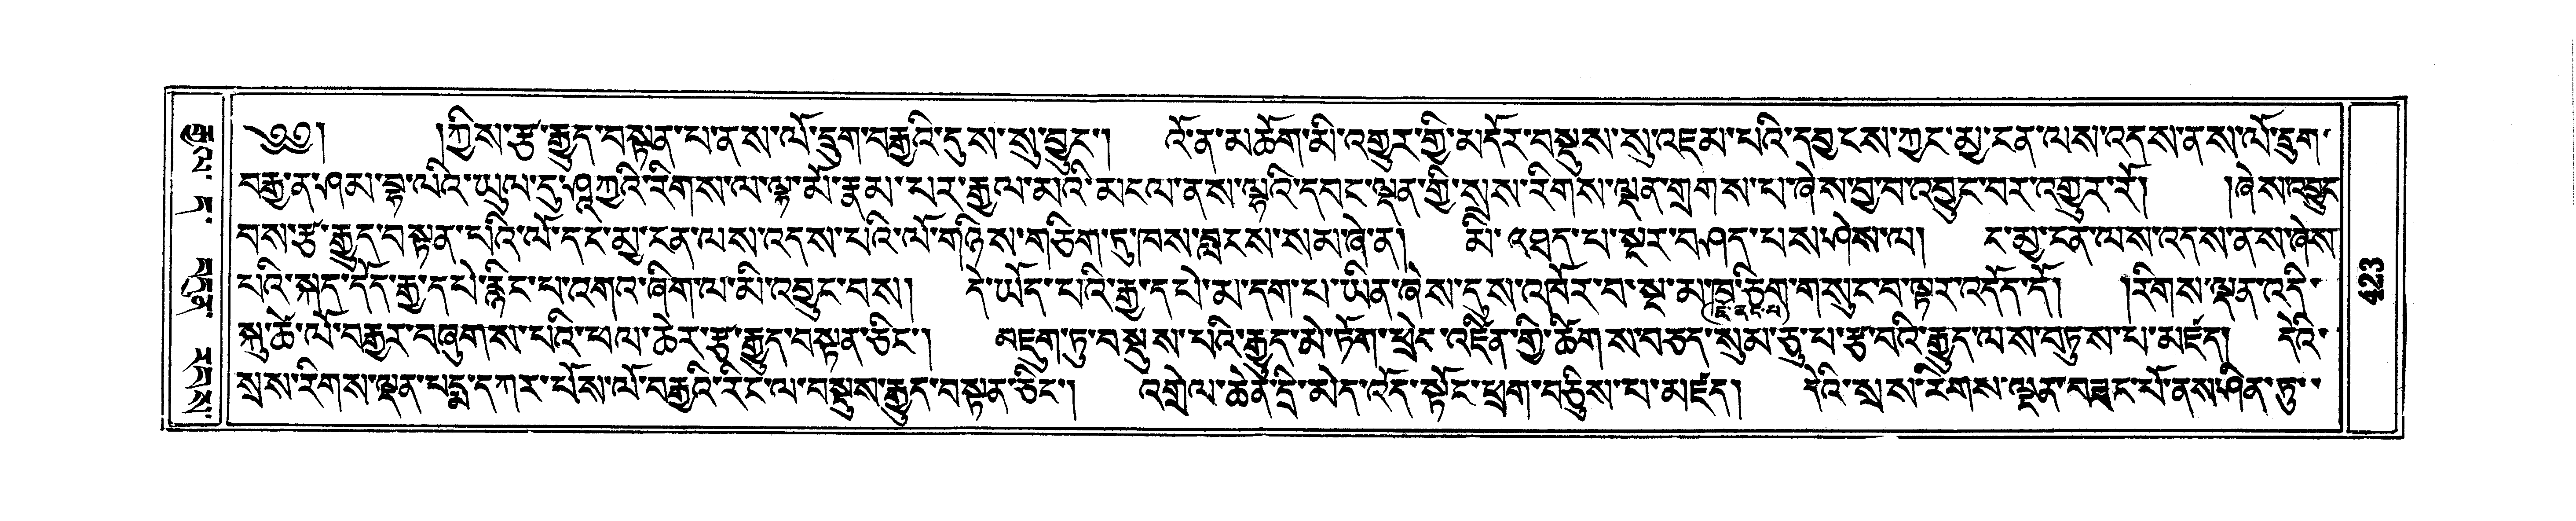༄༅། །ཀྱིས་རྩ་རྒྱུད་བསྟན་པ་ནས་ལོ་དྲུག་བརྒྱའི་དུས་སུ་བྱུང་། འོ་ན་མཆོག་མི་འགྱུར་གྱི་མདོར་བསྡུས་སུ་འཇམ་པའི་དབྱངས་ཀྱང་མྱ་ངན་ལས་འདས་ནས་ལོ་དྲུག་
བརྒྱ་ན་ཤམ་བྷ་ལའི་ཡུལ་དུ་ཤཱཀྱའི་རིགས་ལ་ལྷ་མོ་རྣམ་པར་རྒྱལ་མའི་མངལ་ནས་ལྷའི་དབང་ལྡན་གྱི་སྲས་རིགས་ལྡན་གྲགས་པ་ཞེས་བྱ་བ་འབྱུང་བར་འགྱུར་རོ། །ཞེས་འབྱུང་
བས་རྩ་རྒྱུད་བསྟན་པའི་ལོ་དང་མྱ་ངན་ལས་འདས་པའི་ལོ་གཉིས་གཅིག་ཏུ་ཁས་བླངས་སམ་ཞེ་ན། མི་འཐད་པ་སྔར་བཤད་པས་ཤེས་ལ། ང་མྱ་ངན་ལས་འདས་ནས་ཞེས་
པའི་སྐད་དོད་རྒྱ་དཔེ་རྙིང་པ་འགའ་ཞིག་ལ་མི་འབྱུང་བས། དེ་ཡོད་པའི་རྒྱ་དཔེ་མ་དག་པ་ཡིན་ཞེས་དུས་འཁོར་བ་སྔ་མ་ཁ་ཅིག་གསུང་བ་ལྟར་འདོད་དོ། །རིགས་ལྡན་འདི་
སྐུ་ཚེ་ལོ་བརྒྱར་བཞུགས་པའི་ཕལ་ཆེར་རྩ་རྒྱུད་བསྟན་ཅིང་། མཇུག་ཏུ་བསྡུས་པའི་རྒྱུད་མེ་ཏོག་ཕྲེང་འཛིན་གྱི་ཚིགས་བཅད་སུམ་ཅུ་པ་རྩ་བའི་རྒྱུད་ལས་བཏུས་པ་མཛད། དེའི་
སྲས་རིགས་ལྡན་པདམ་དཀར་པོས་ལོ་བརྒྱའི་རིང་ལ་བསྡུས་རྒྱུད་བསྟན་ཅིང་། འགྲེལ་ཆེན་དྲི་མེད་འོད་སྟོང་ཕྲག་བཅུཨིས་པ་མཛད། དེའི་སྲས་རིགས་ལྡན་བཟང་པོ་ནས་ཤིན་ཏུ་